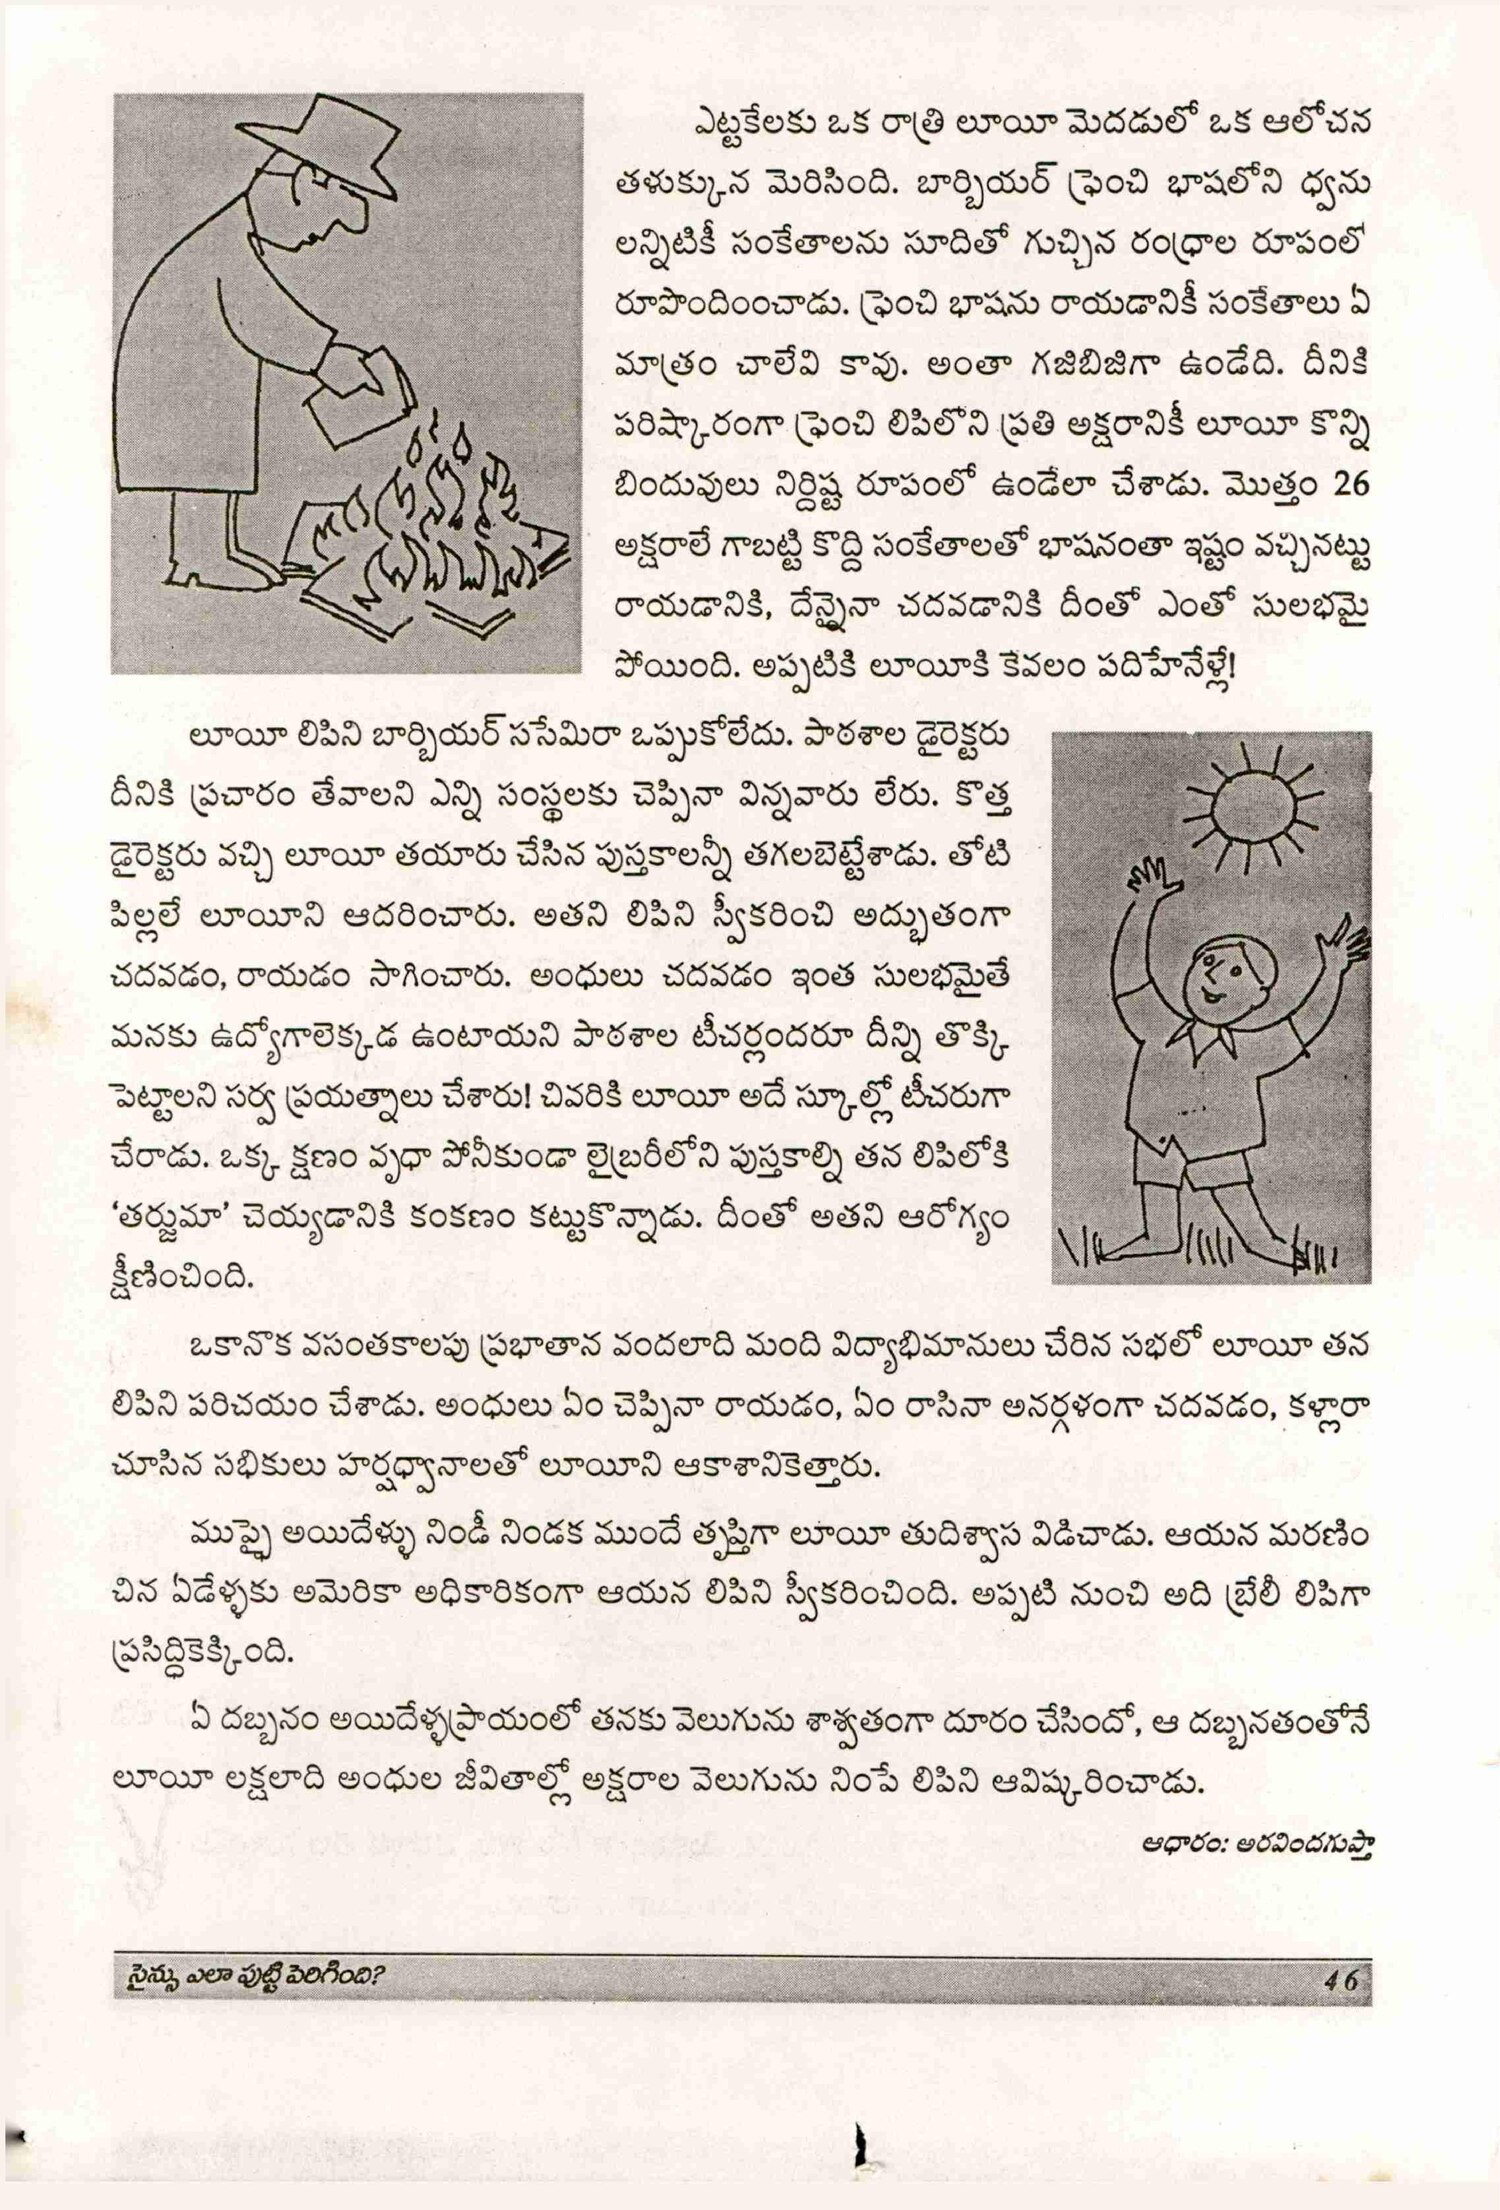ఎట్టకేలకు ఒక రాత్రి లూయీ మెదడులో ఒక ఆలోచన తళుక్కున మెరిసింది. బార్బియర్ ఫ్రెంచి భాషలోని ధ్వను
లన్నిటికీ సంకేతాలను సూదితో గుచ్చిన రంధ్రాల రూపంలో రూపొందింంచాడు. ఫ్రెంచి భాషను రాయడానికీ సంకేతాలు ఏ మాత్రం చాలేవి కావు. అంతా గజిబిజిగా ఉండేది. దీనికి పరిష్కారంగా ఫ్రెంచి లిపిలోని ప్రతి అక్షరానికీ లూయీ కొన్ని బిందువులు నిర్దిష్ట రూపంలో ఉండేలా చేశాడు. మొత్తం 26 అక్షరాలే గాబట్టి కొద్ది సంకేతాలతో భాషనంతా ఇష్టం వచ్చినట్టు రాయడానికి, దేన్నైనా చదవడానికి దీంతో ఎంతో సులభమై పోయింది. అప్పటికి లూయీకి కేవలం పదిహేనేళ్లే!

లూయీ లిపిని బార్బియర్ ససేమిరా ఒప్పుకోలేదు. పాఠశాల డైరెక్టరు దీనికి ప్రచారం తేవాలని ఎన్ని సంస్థలకు చెప్పినా విన్నవారు లేరు. కొత్త డైరెక్టరు వచ్చి లూయీ తయారు చేసిన పుస్తకాలన్నీ తగలబెట్టేశాడు. తోటి పిల్లలే లూయీని ఆదరించారు. అతని లిపిని స్వీకరించి అద్భుతంగా చదవడం, రాయడం సాగించారు. అంధులు చదవడం ఇంత సులభమైతే మనకు ఉద్యోగాలెక్కడ ఉంటాయని పాఠశాల టీచర్లందరూ దీన్ని తొక్కి పెట్టాలని సర్వ ప్రయత్నాలు చేశారు! చివరికి లూయీ అదే స్కూల్లో టీచరుగా చేరాడు. ఒక్క క్షణం వృధా పోనీకుండా లైబ్రరీలోని పుస్తకాల్ని తన లిపిలోకి 'తర్జుమా' చెయ్యడానికి కంకణం కట్టుకొన్నాడు. దీంతో అతని ఆరోగ్యం క్షీణించింది.

ఒకానొక వసంతకాలపు ప్రభాతాన వందలాది మంది విద్యాభిమానులు చేరిన సభలో లూయీ తన లిపిని పరిచయం చేశాడు. అంధులు ఏం చెప్పినా రాయడం, ఏం రాసినా అనర్గళంగా చదవడం, కళ్లారా చూసిన సభికులు హర్షధ్వానాలతో లూయీని ఆకాశానికెత్తారు.

ముప్ఫై అయిదేళ్ళు నిండీ నిండక ముందే తృప్తిగా లూయీ తుదిశ్వాస విడిచాడు. ఆయన మరణించిన ఏడేళ్ళకు అమెరికా అధికారికంగా ఆయన లిపిని స్వీకరించింది. అప్పటి నుంచి అది బ్రేలీ లిపిగా ప్రసిద్ధికెక్కింది.

ఏ దబ్బనం అయిదేళ్ళప్రాయంలో తనకు వెలుగును శాశ్వతంగా దూరం చేసిందో, ఆ దబ్బనతంతోనే లూయీ లక్షలాది అంధుల జీవితాల్లో అక్షరాల వెలుగును నింపే లిపిని ఆవిష్కరించాడు.